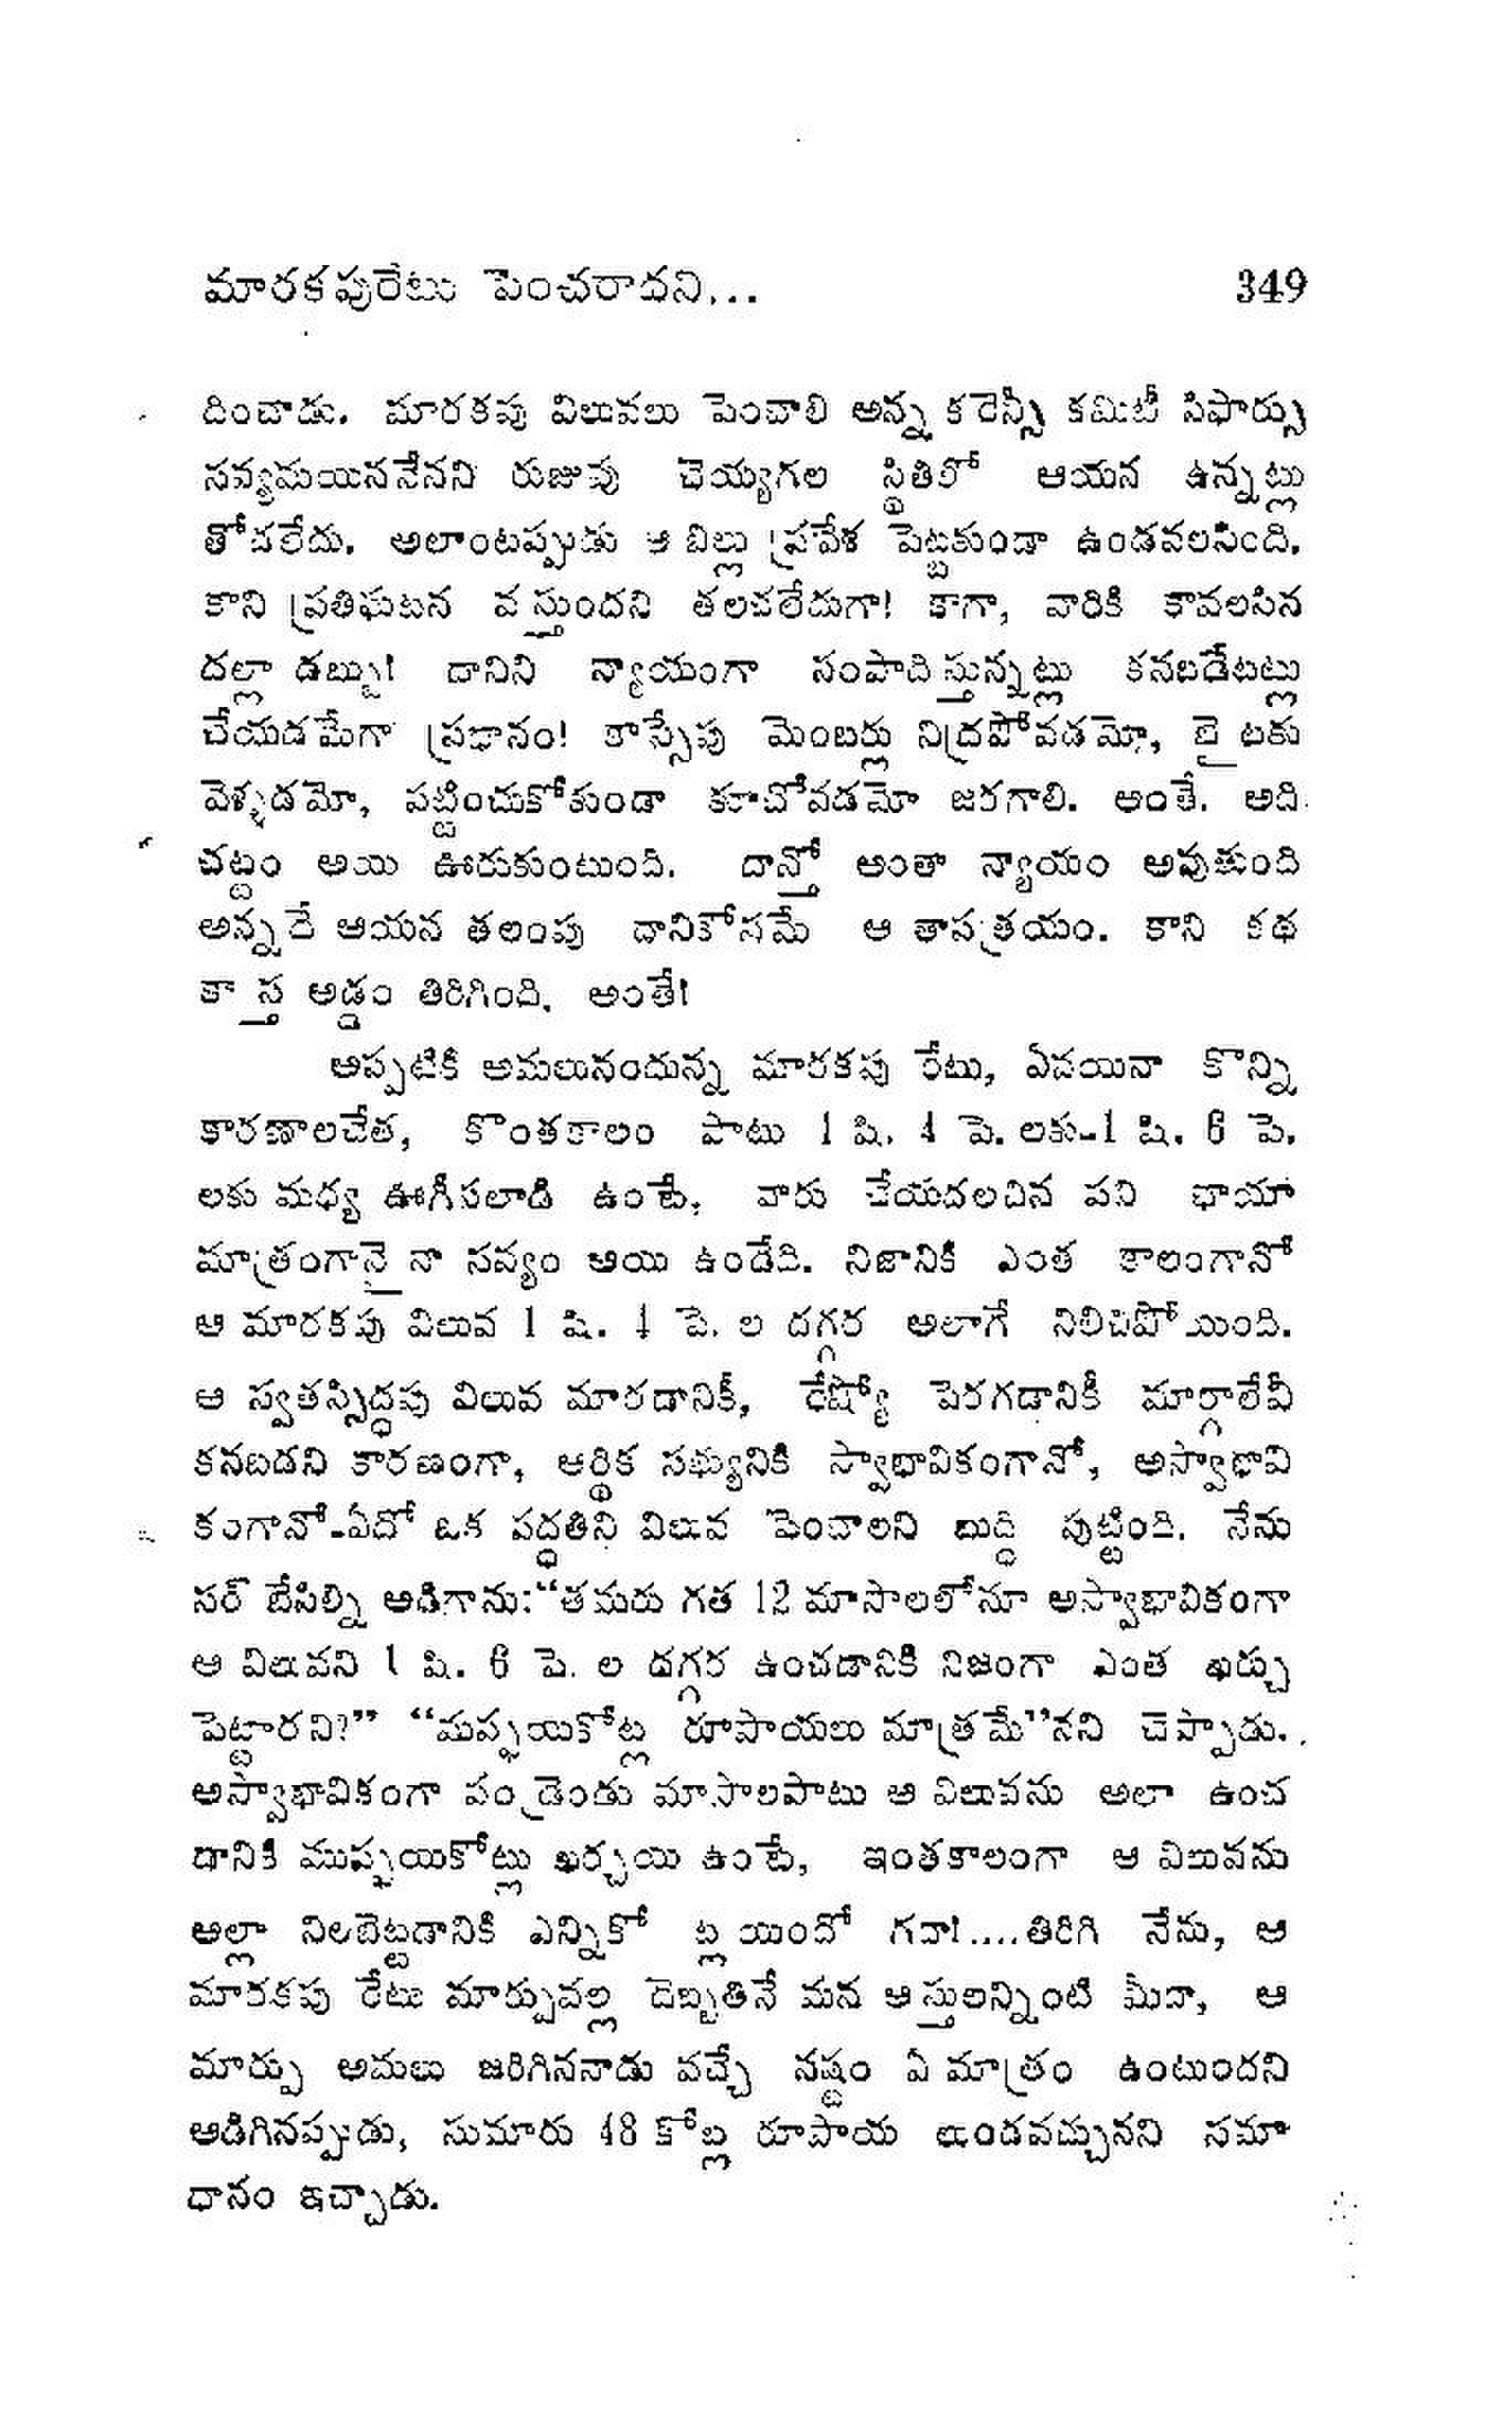దించాడు. మారకపు విలువలు పెంచాలి అన్న కరెన్సీ కమిటీ సిఫార్సు సవ్యమయినవేనని రుజువు చెయ్యగల స్థిలో ఆయన ఉన్నట్లు తోచలేదు. అలాంటప్పుడు ఆ బిల్లు ప్రవేశ పెట్టకుండా ఉండవలసింది. కాని ప్రతిఘటన వస్తుందని తలచలేదుగా! కాగా, వారికి కావలసినదల్లా డబ్బు! దానిని న్యాయంగా సంపాదిస్తున్నట్లు కనబడేటట్లు చేయడమేగా ప్రధానం! కాస్సేపు మెంబర్ల నిద్రపోవడమో, బైటకు వెళ్ళడమో, పట్టించుకోకుండా కూచోవడమో జరగాలి. అంతే. అది చట్టం అయి ఊరుకుంటుంది. దాన్తో అంతా న్యాయం అవుతుంది అన్నదే ఆయన తలంపు, దానికోసమే ఆ తాపత్రయం. కాని కథ కాస్త అడ్డం తిరిగింది. అంతే!

అప్పటికి అమలునందున్న మారకపు రేటు, ఏవయినా కొన్ని కారణాలచేత, కొంతకాలం పాటు 1షి. 4 పె.లకు-1షి. 6 పె. లకు మధ్య ఊగీసలాడి ఉంటే, వారు చేయదలచిన పని ఛాయామాత్రంగానైనా సవ్యం అయి ఉండేది. నిజానికి ఎంత కాలంగానో ఆ మారకపు విలువ 1 షి. 4 పె. ల దగ్గర అలాగే నిలిచిపోయింది. ఆ స్వతస్సిద్ధపు విలువ మారడానికీ, రేష్యో పెరగడానికి మార్గాలేవీ కనబడని కారణంగా, ఆర్థిక సభ్యునికి స్వాభావికంగానో , అస్వాభావికంగానో-ఏదో ఒక పద్ధతిని విలువ పెంచాలని బుద్ది పుట్టింది. నేను సర్ బేసిల్ని అడిగాను: "తమరు గత 12 మాసాలలోనూ అస్వాభావికంగా ఆ విలువని 1షి. 6పె. ల దగ్గర ఉంచడానికి నిజంగా ఎంత ఖర్చు పెట్టారని?" "ముప్పయికోట్ల రూపాయలు మాత్రమే"నని చెప్పాడు. అస్వాభావికంగా పండ్రెండు మాసాలపాటు ఆ విలువను అలా ఉంచడానికి ముప్పయికోట్ల ఖర్చయి ఉంటే, ఇంతకాలంగా ఆ విలువను అల్లా నిలబెట్టడానికి ఎన్నికోట్లయిందో గదా!....తిరిగి నేను, ఆ మారకపు రేటు మార్పువల్ల దెబ్బతినే మన ఆస్తులన్నింటి మీదా, ఆ మార్పు అమలు జరిగిననాడు వచ్చే నష్టం ఏ మాత్రం ఉంటుందని అడిగినప్పుడు, సుమారు 48 కోట్ల రూపాయ లుండవచ్చునని సమాదానం ఇచ్చాడు.